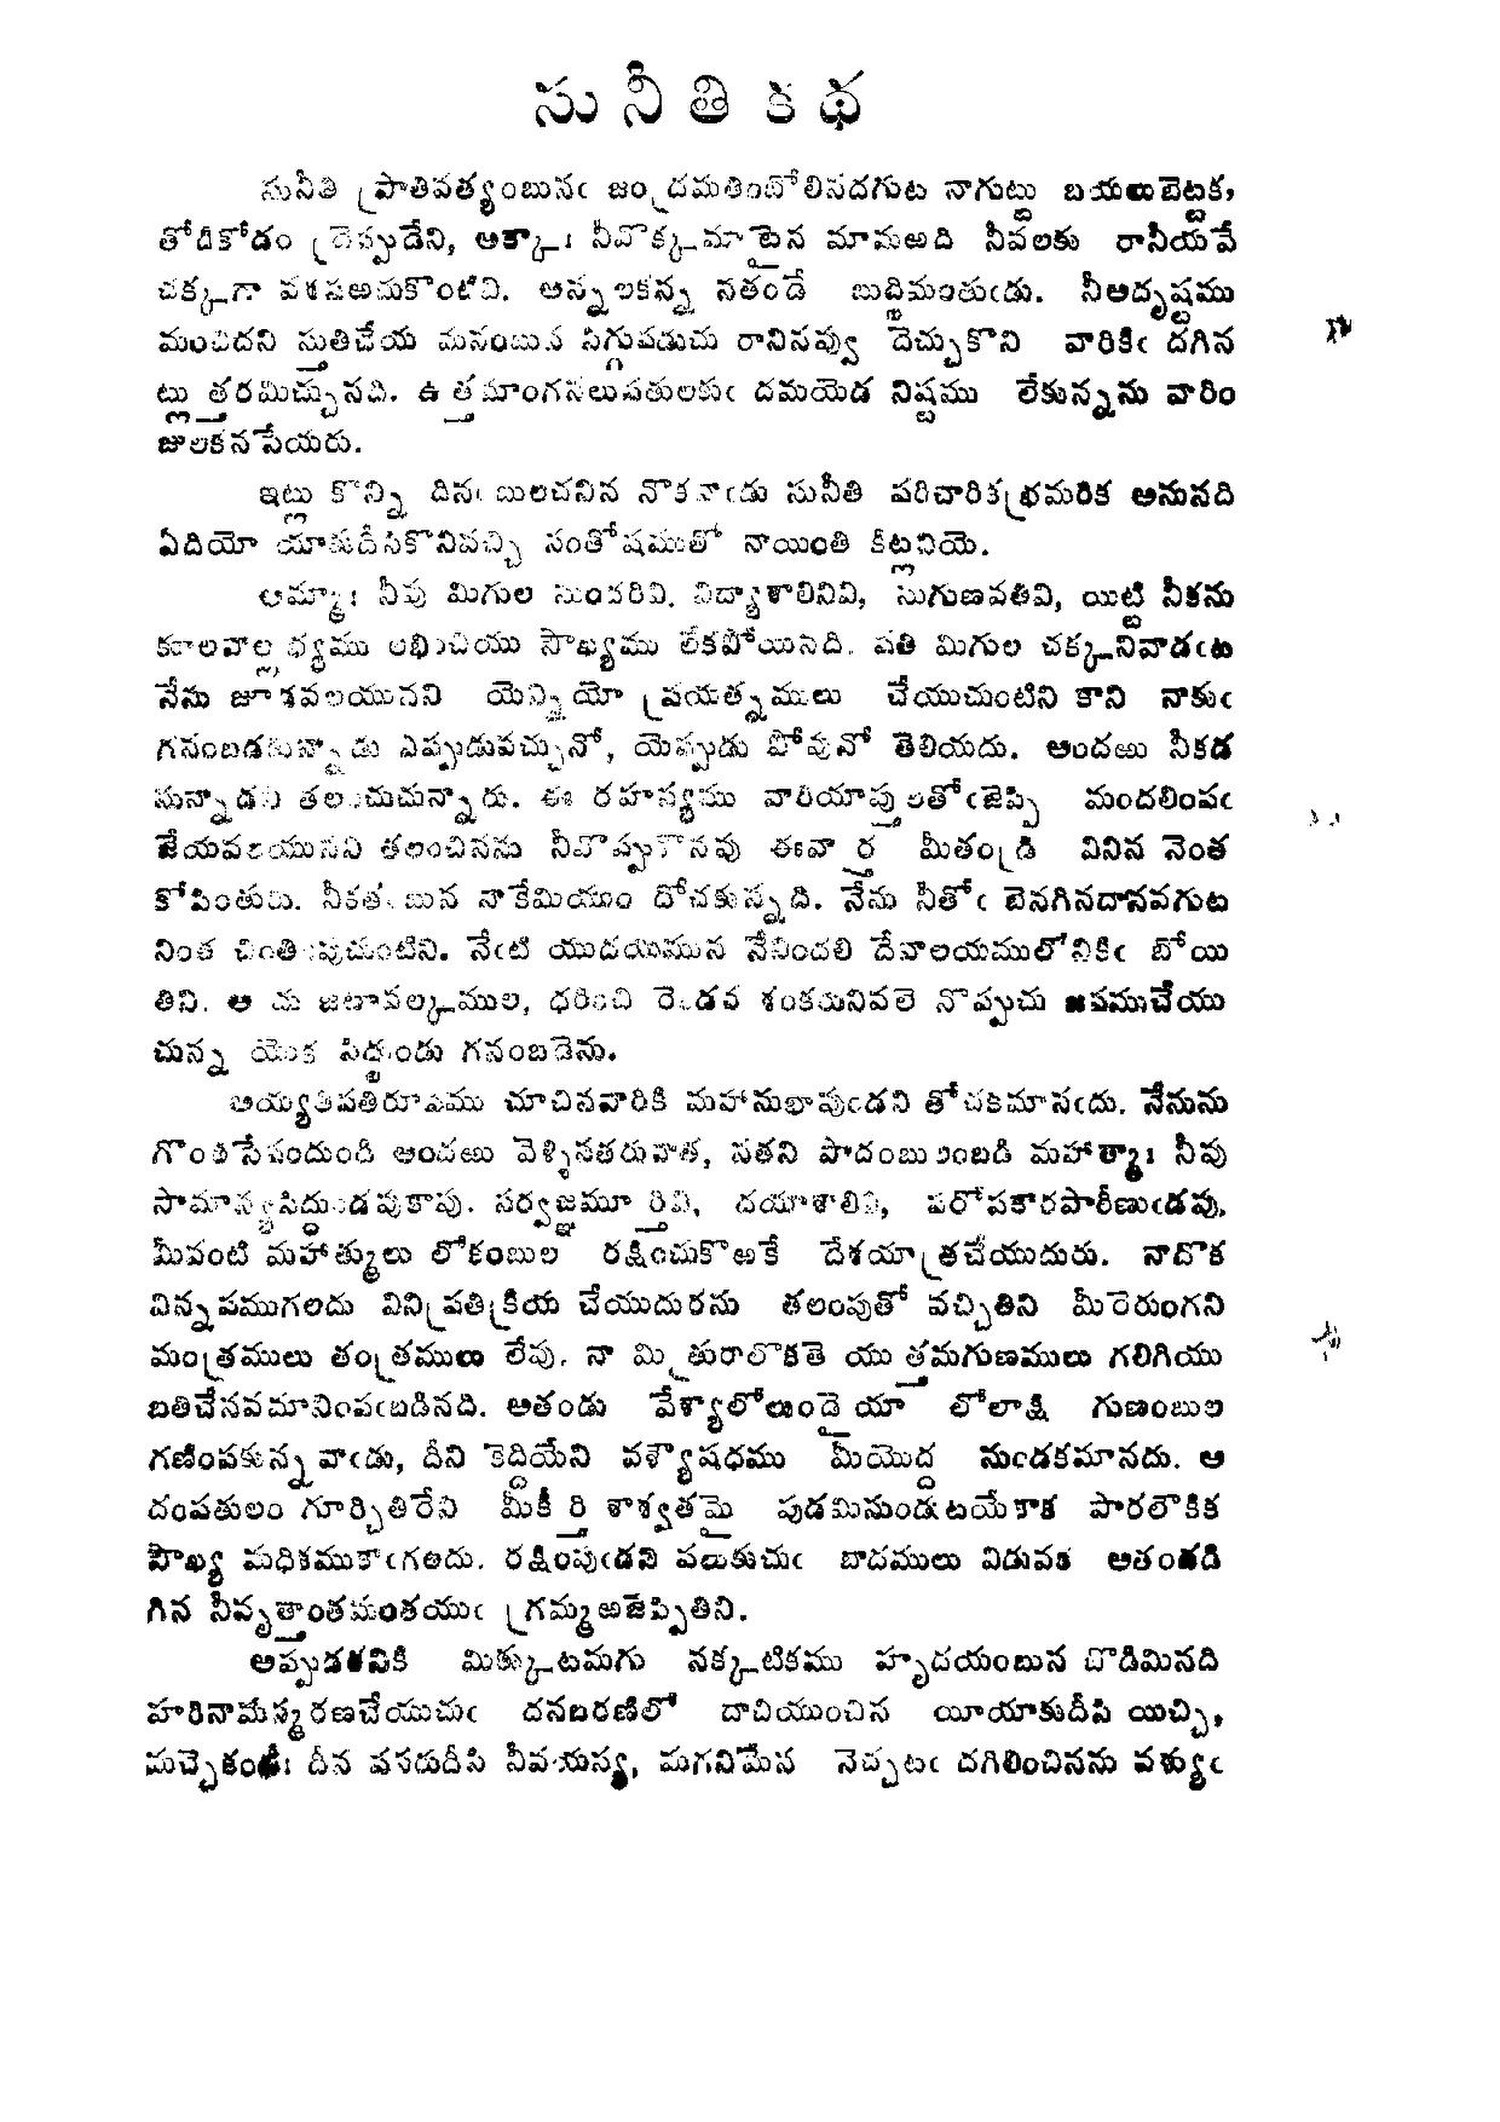సునీతి కథ

సునీతి ప్రాతివత్యంబునఁ జంద్రమతింబోలినదగుట నాగుట్టు బయలుబెట్టక, తోడికోడం డెప్పుడేని, అక్కా! నీవొక్కమాటైన మామఱది నీవలకు రానీయవే చక్కగా వశపఱచుకొంటివి. అన్నలకన్న నతండే బుద్ధిమంతుఁడు. నీఅదృష్టము మంచిదని స్తుతిచేయ మనంబున సిగ్గుపడుచు రానినవ్వు దెచ్చుకొని వారికిఁ దగిన ట్లుత్తరమిచ్చునది. ఉత్తమాంగనలు పతులకుఁ దమయెడ నిష్టము లేకున్నను వారిం జులకన సేయరు.

ఇట్లు కొన్నిదినంబుల చనిన నొకనాఁడు సునీతి పరిచారిక భ్రమరిక అనునది ఏదియో యాకు దీసికొనివచ్చి సంతోషముతో సాయింతి కిట్లనియె.

అమ్మా! నీవు మిగుల సుందరివి. విద్యాశాలినివి, సుగుణవతివి, యిట్టి నీకనుకూలవాల్లభ్యము లభించియు సౌఖ్యము లేకపోయినది. పతి మిగుల చక్కనివాడఁట నేను జూడవలయునని యెన్నియో ప్రయత్నములు చేయుచుంటిని కాని నాకుఁ గనంబడకున్నాడు. ఎప్పుడువచ్చునో, యెప్పుడు పోవునో తెలియదు. అందఱు నీకడ నున్నాడని తలంచుచున్నారు. ఈ రహస్యము వారియాప్తులతోఁజెప్పి మందలింపఁ జేయవలయునని తలంచినను నీ వొప్పుకొనవు ఈవార్త మీతండ్రి వినిన నెంత కోపింతురు. నీకతంబున నాకేమియుం దోచకున్నది. నేను నీతోఁ బెనగినదానవగుట నింత చింతింపుచుంటిని. నేఁటి యుదయుమున నేనిందలి దేవాలయములోనికిఁ బోయితిని. అందు జటావల్కముల ధరించి రెండవ శంకరునివలె నొప్పుచు జపముచేయుచున్న యొక సిద్ధుండు గనంబడెను.

ఆయ్యతిపతిరూపము చూచినవారికి మహానుభావుండని తోచకమానఁదు. నేనును గొంతుసే పందుండి అందఱు వెళ్ళినతరువాత, నతని పాదంబులంబడి మహాత్మా! నీవు సామాన్యసిద్ధుండవుకావు. సర్వజ్ఞమూర్తివి, దయాశాలివి, పరోపకారపారీణుఁడవు. మీవంటి మహాత్ములు లోకంబుల రక్షించుకొఱకే దేశయాత్రచేయుదురు. నాదొక విన్నపముగలదు విని ప్రతిక్రియ చేయుదురను తలంపుతో వచ్చితిని మీరెరుంగని మంత్రములు తంత్రములు లేవు. నా మిత్రురాలొకతె యుత్తమగుణములు గలిగియు
బతిచే నవమానింపఁబడినది. అతండు వేశ్యాలోలుండై యా లోలాక్షి గుణంబుల గణింపకున్నవాఁడు, దీని కెద్దియేని వశ్యౌషధము మీయొద్ద నుండకమానదు. ఆ దంపతులం గూర్చితిరేని మీకీర్తి శాశ్వతమై పుడమినుండుటయేకాక పారలౌకికసౌఖ్య మధికముకాఁగలదు. రక్షింపుఁడని పలుకుచుఁ బాదములు విడువక అతండడిగిన నీవృత్తాంతమంతయుఁ గ్రమ్మఱజెప్పితిని.

అప్పు డతనికి మిక్కుటమగు నక్కటికము హృదయంబున బొడిమినది హరినామస్మరణచేయుచుఁ దనబరణిలో దాచియుంచిన యీయాకుదీసి యిచ్చి, మచ్చెకంటీ! దీన పసరు దీసి నీవయస్య మగనిమేన నెచ్చటఁ దగిలించినను వశ్యుఁ